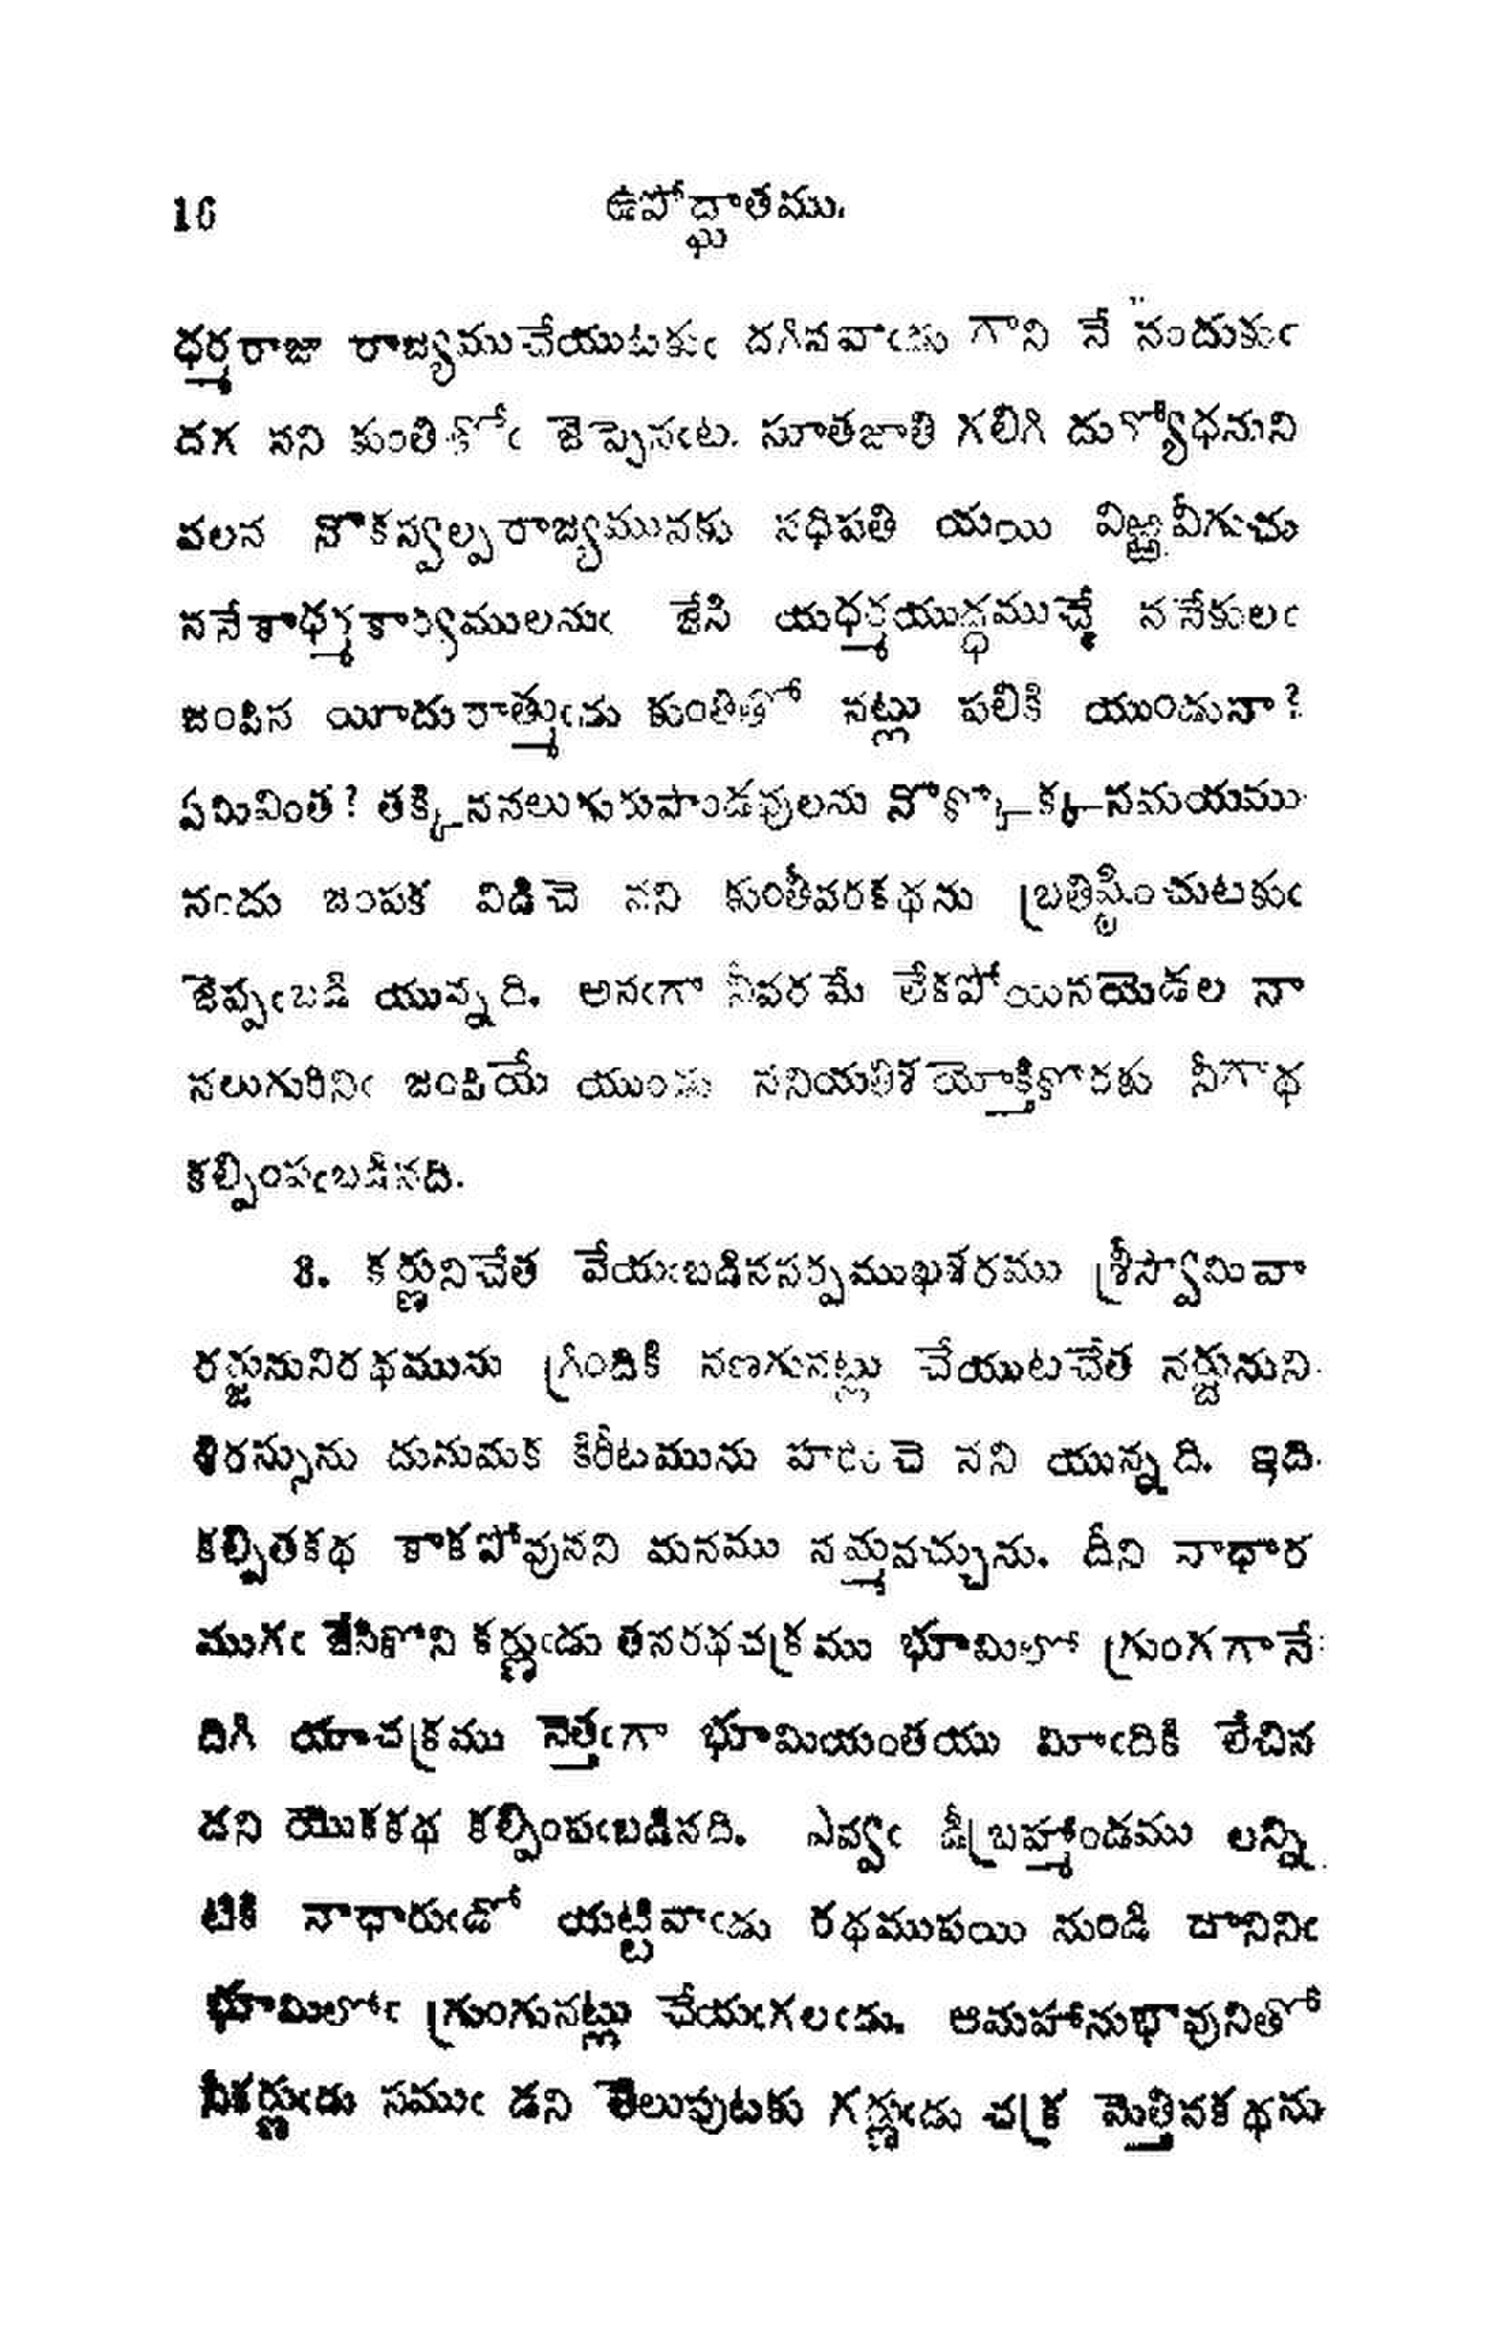ధర్మరాజు రాజ్యముచేయుటకుఁ దగినవాఁడు గాని నే నందుకుఁ దగ నని కుంతితోఁ జెప్పెనఁట. సూతజాతి గలిగి దుర్యోధనుని వలన నొకస్వల్పరాజ్యమునకు సధిపతి యయి విఱ్ఱవీగుచు
ననేకాధ్మకార్యములనుఁ జేసి యధర్మయుద్ధముచే ననేకులఁ జంపిన యీదురాత్ముఁడు కుంతితో నట్లు పలికి యుండునా ? ఏమివింత ! తక్కిననలుగురుపాండవులను నొక్కొక్కసమయమునందు జంపక విడిచె నని కుంతీవరకథను బ్రతిష్టించుటకుఁ జెప్పఁబడి యున్నది. అనఁగా నీవరమే లేకపోయిన యెడల నా నలుగురినిఁ జంపియే యుండు ననియతిశయోక్తికొరకు నీగాథ కల్పింపబడినది.

3. కర్ణునిచేత వేయఁబడినసర్పముఖశరము శ్రీస్వామివారర్జునునిరథమును గ్రిందికి నణగునట్లు చేయుటచేత నర్జునుని శిరస్సును దునుమక కిరీటమును హరించె నని యున్నది. ఇది కల్పితకథ కాకపోవునని మనము నమ్మవచ్చును. దీని నాధారముగఁ జేసికొని కర్ణుడు తనరథచక్రము భూమిలో గ్రుంగగానే దిగి యాచక్రము నెత్తఁగా భూమియంతయు మీఁదికి లేచినదని యొకకథ కల్పింపబడినది. ఎవ్వఁ డీబ్రహ్మాండము లన్నిటికి నాధారుఁడో యట్టివాఁడు రథముపయి నుండి దానినిఁ భూమిలోఁ గ్రుంగునట్లు చేయఁగలఁడు. ఆమహానుభావునితో నీకర్ణుఁడు సముఁ డని తెలుపుటకు గర్ణుడు చక్ర మెత్తనకథను